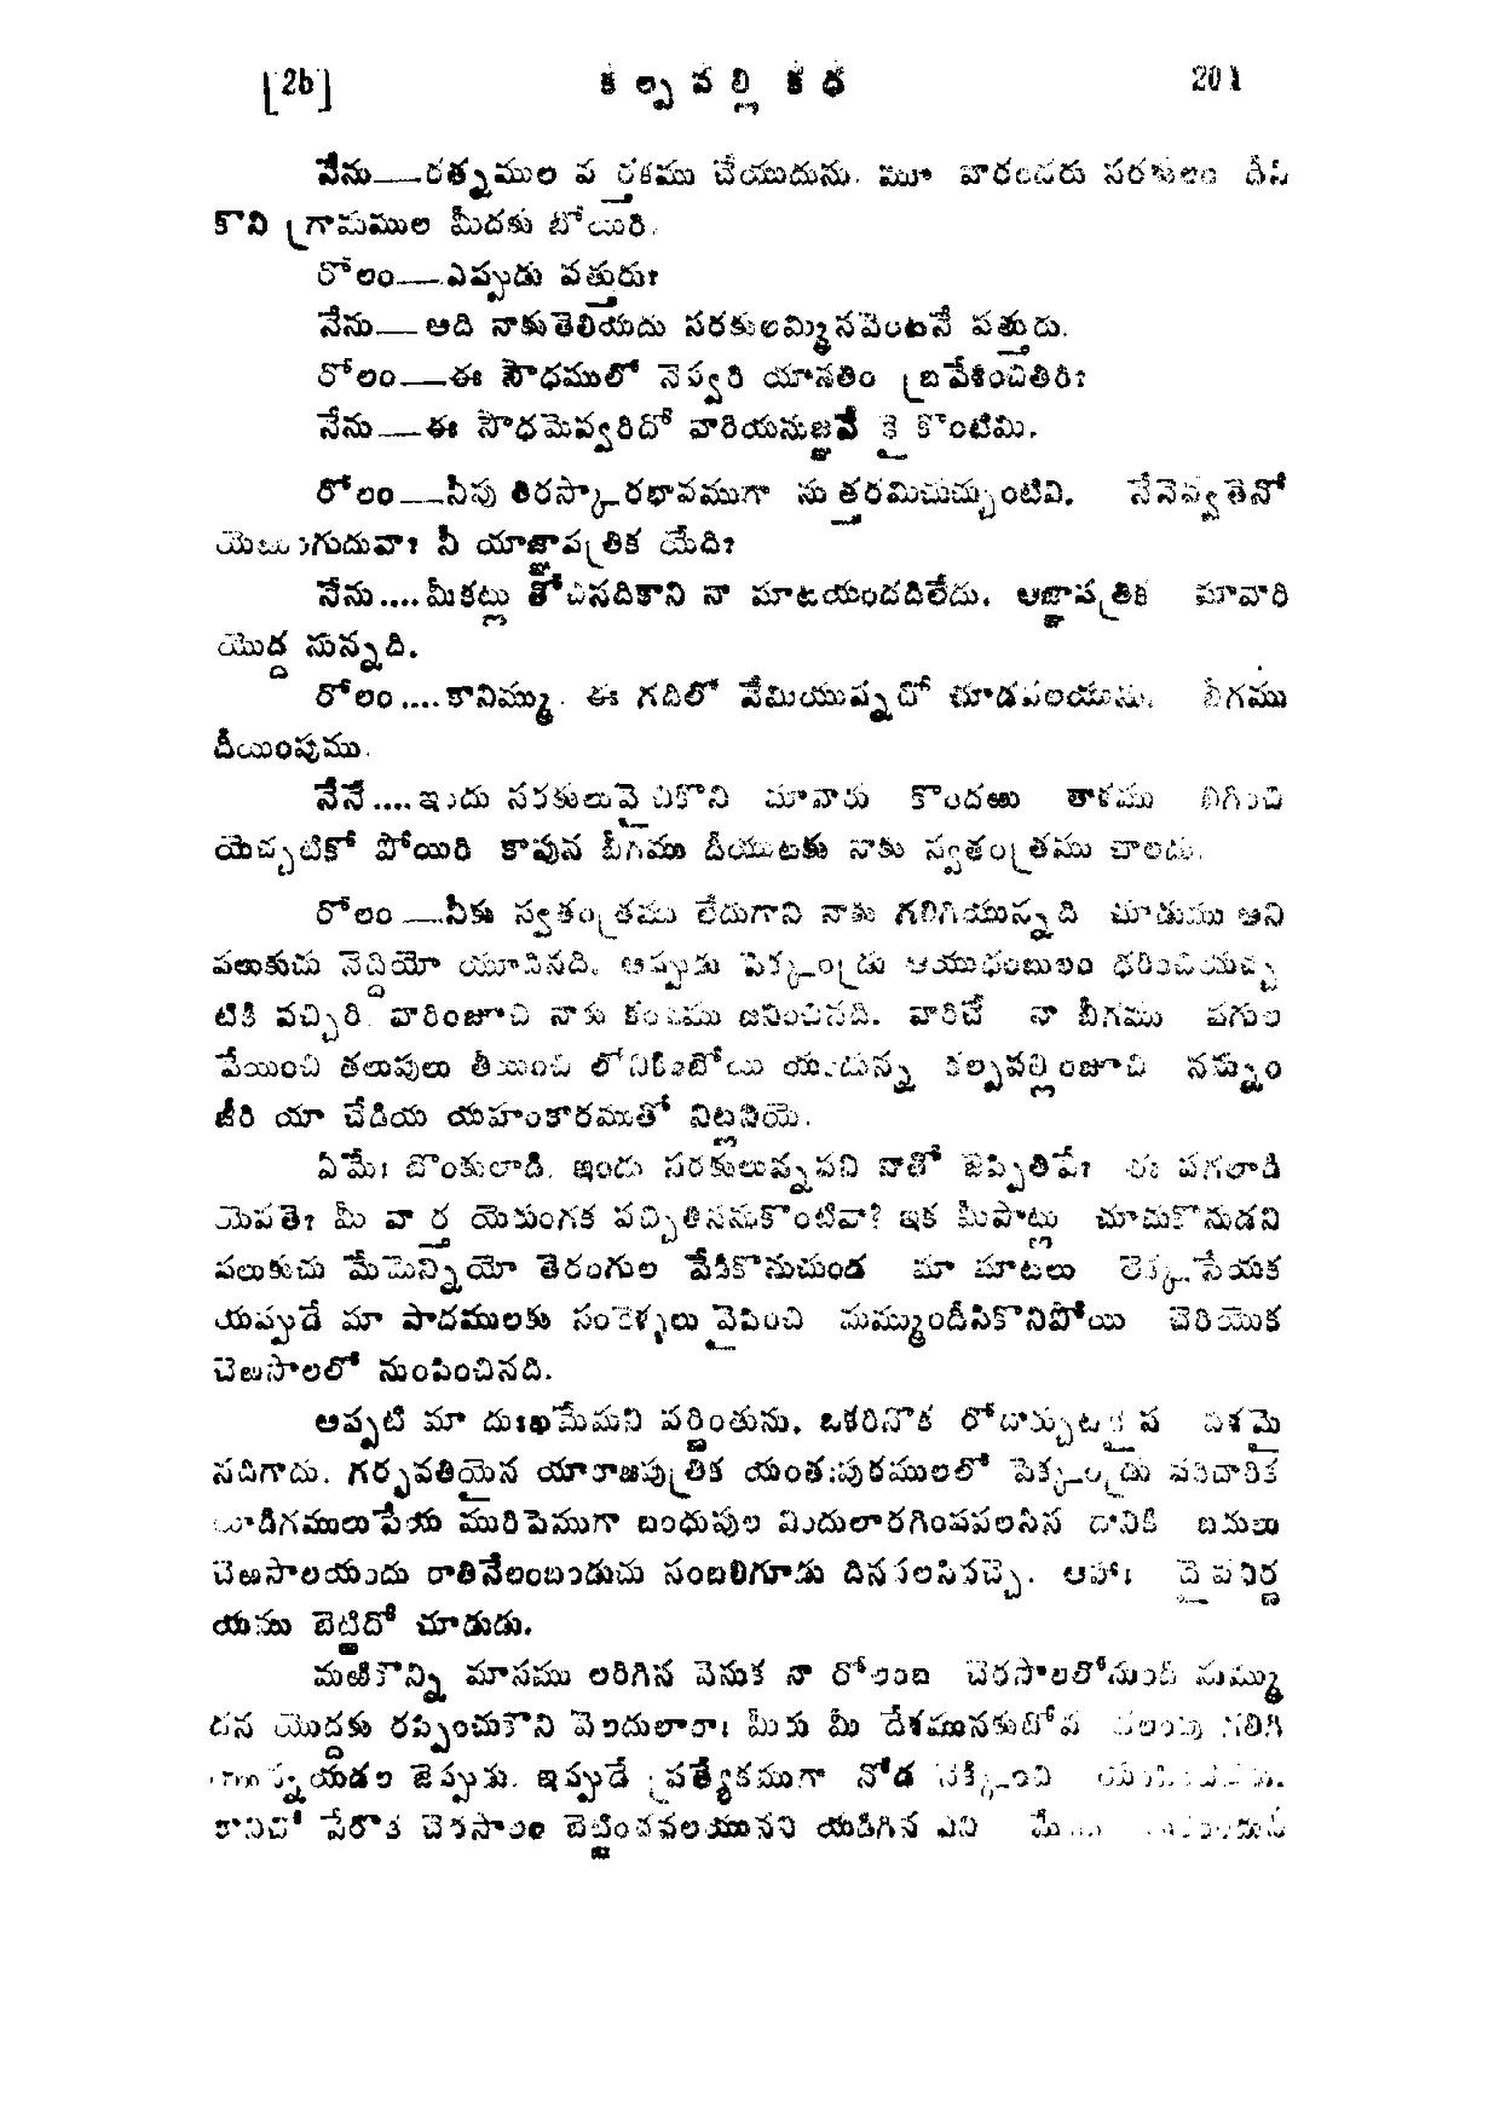నేను - రత్నముల వర్తకము చేయుదును. మా వారందరు సరకులం దీసికొని గ్రామముల మీదకు బోయిరి.

రోలం - ఎప్పుడు వత్తురు?

నేను - అది నాకుతెలియదు సరకులమ్మినవెంటనే వత్తురు.

రోలం - ఈ సౌధములో నెవ్వరి యానతిం బ్రవేశించితిరి?

నేను - ఈ సౌధమెవ్వరిదో వారియనుజ్ఞనే కై కొంటిమి.

రోలం - నీవు తిరస్కారభావముగా నుత్తరమిచుచ్చుంటివి. నేనెవ్వతెనో యెఱుంగుదువా! నీ యాజ్ఞాపత్రిక యేది?

నేను - మీకట్లు తోచినదికాని నా మాటయందదిలేదు. ఆజ్ఞాపత్రిక మావారియొద్ద నున్నది.

రోలం - కానిమ్ము. ఈ గదిలో నేమియున్నదో చూడవలయును. బీగము దీయింపుము.

నేను - ఇందు సరకులువైచికొని మావారు కొందఱు తాళము బిగించి యెచ్చటికో పోయిరి కావున బీగము దీయుటకు నాకు స్వతంత్రము చాలదు.

రోలం - నీకు స్వతంత్రము లేదుగాని నాకు గలిగియున్నది చూడుము అని పలుకుచు నెద్దియో యూదినది. అప్పుడు పెక్కండ్రు ఆయుధంబులం ధరించియచ్చటికి వచ్చిరి. వారింజూచి నాకు కంపము జనించినది. వారిచే నా బీగము పగుల వేయించి తలుపులు తీయించి లోనికింబోయి యందున్న కల్పవల్లింజూచి నన్నుం జీరి యా చేడియ యహంకారముతో నిట్లనియె.

ఏమే! బొంకులాడి. ఇందు సరకులున్నవని నాతో చెప్పితివే? ఈ వగలాడి యెవతె? మీ వార్త యెరుంగక వచ్చితిననుకొంటివా? ఇక మీపాట్లు చూచుకొనుడని పలుకుచు మేమెన్నియో తెరంగుల వేడికొనుచుండ మా మాటలు లెక్క సేయక యప్పుడే మా పాదములకు సంకెళ్ళలు వైపించి మమ్ముందీసికొనిపోయి చెరియొక చెఱసాలలో నుంపించినది.

అప్పటి మా దుఃఖమేమని వర్ణింతును. ఒకరినొక రోదార్చుటకైన వశమైనదిగాదు. గర్భవతియైన యారాజపుత్రిక యంతఃపురములలో పెక్కండ్రు పరిచారిక లూడిగములుసేయ మురిపెముగా బంధువుల విందులారగింపవలసిన దానికి బదులు చెఱసాలయుదు రాతినేలంబండుచు నంబలిగూడు దినవలసివచ్చె. ఆహా! దైవనిర్ణయము బెట్టిదో చూడుడు.

మఱికొన్ని మాసము లరిగిన వెనుక నా రోలంబ చెరసాలలోనుండి మమ్ము దన యొద్దకు రప్పించుకొని వెందులారా? మీరు మీ దేశమునకుబోవ తలంపు గలిగియున్న యడల జెప్పుడు. ఇప్పుడే ప్రత్యేకముగా నోడ నెక్కించి యంపించెదను. కానిచో వేరొక చెరసాలం బెట్టించవలయునని యడిగిన విని మేము విననందున